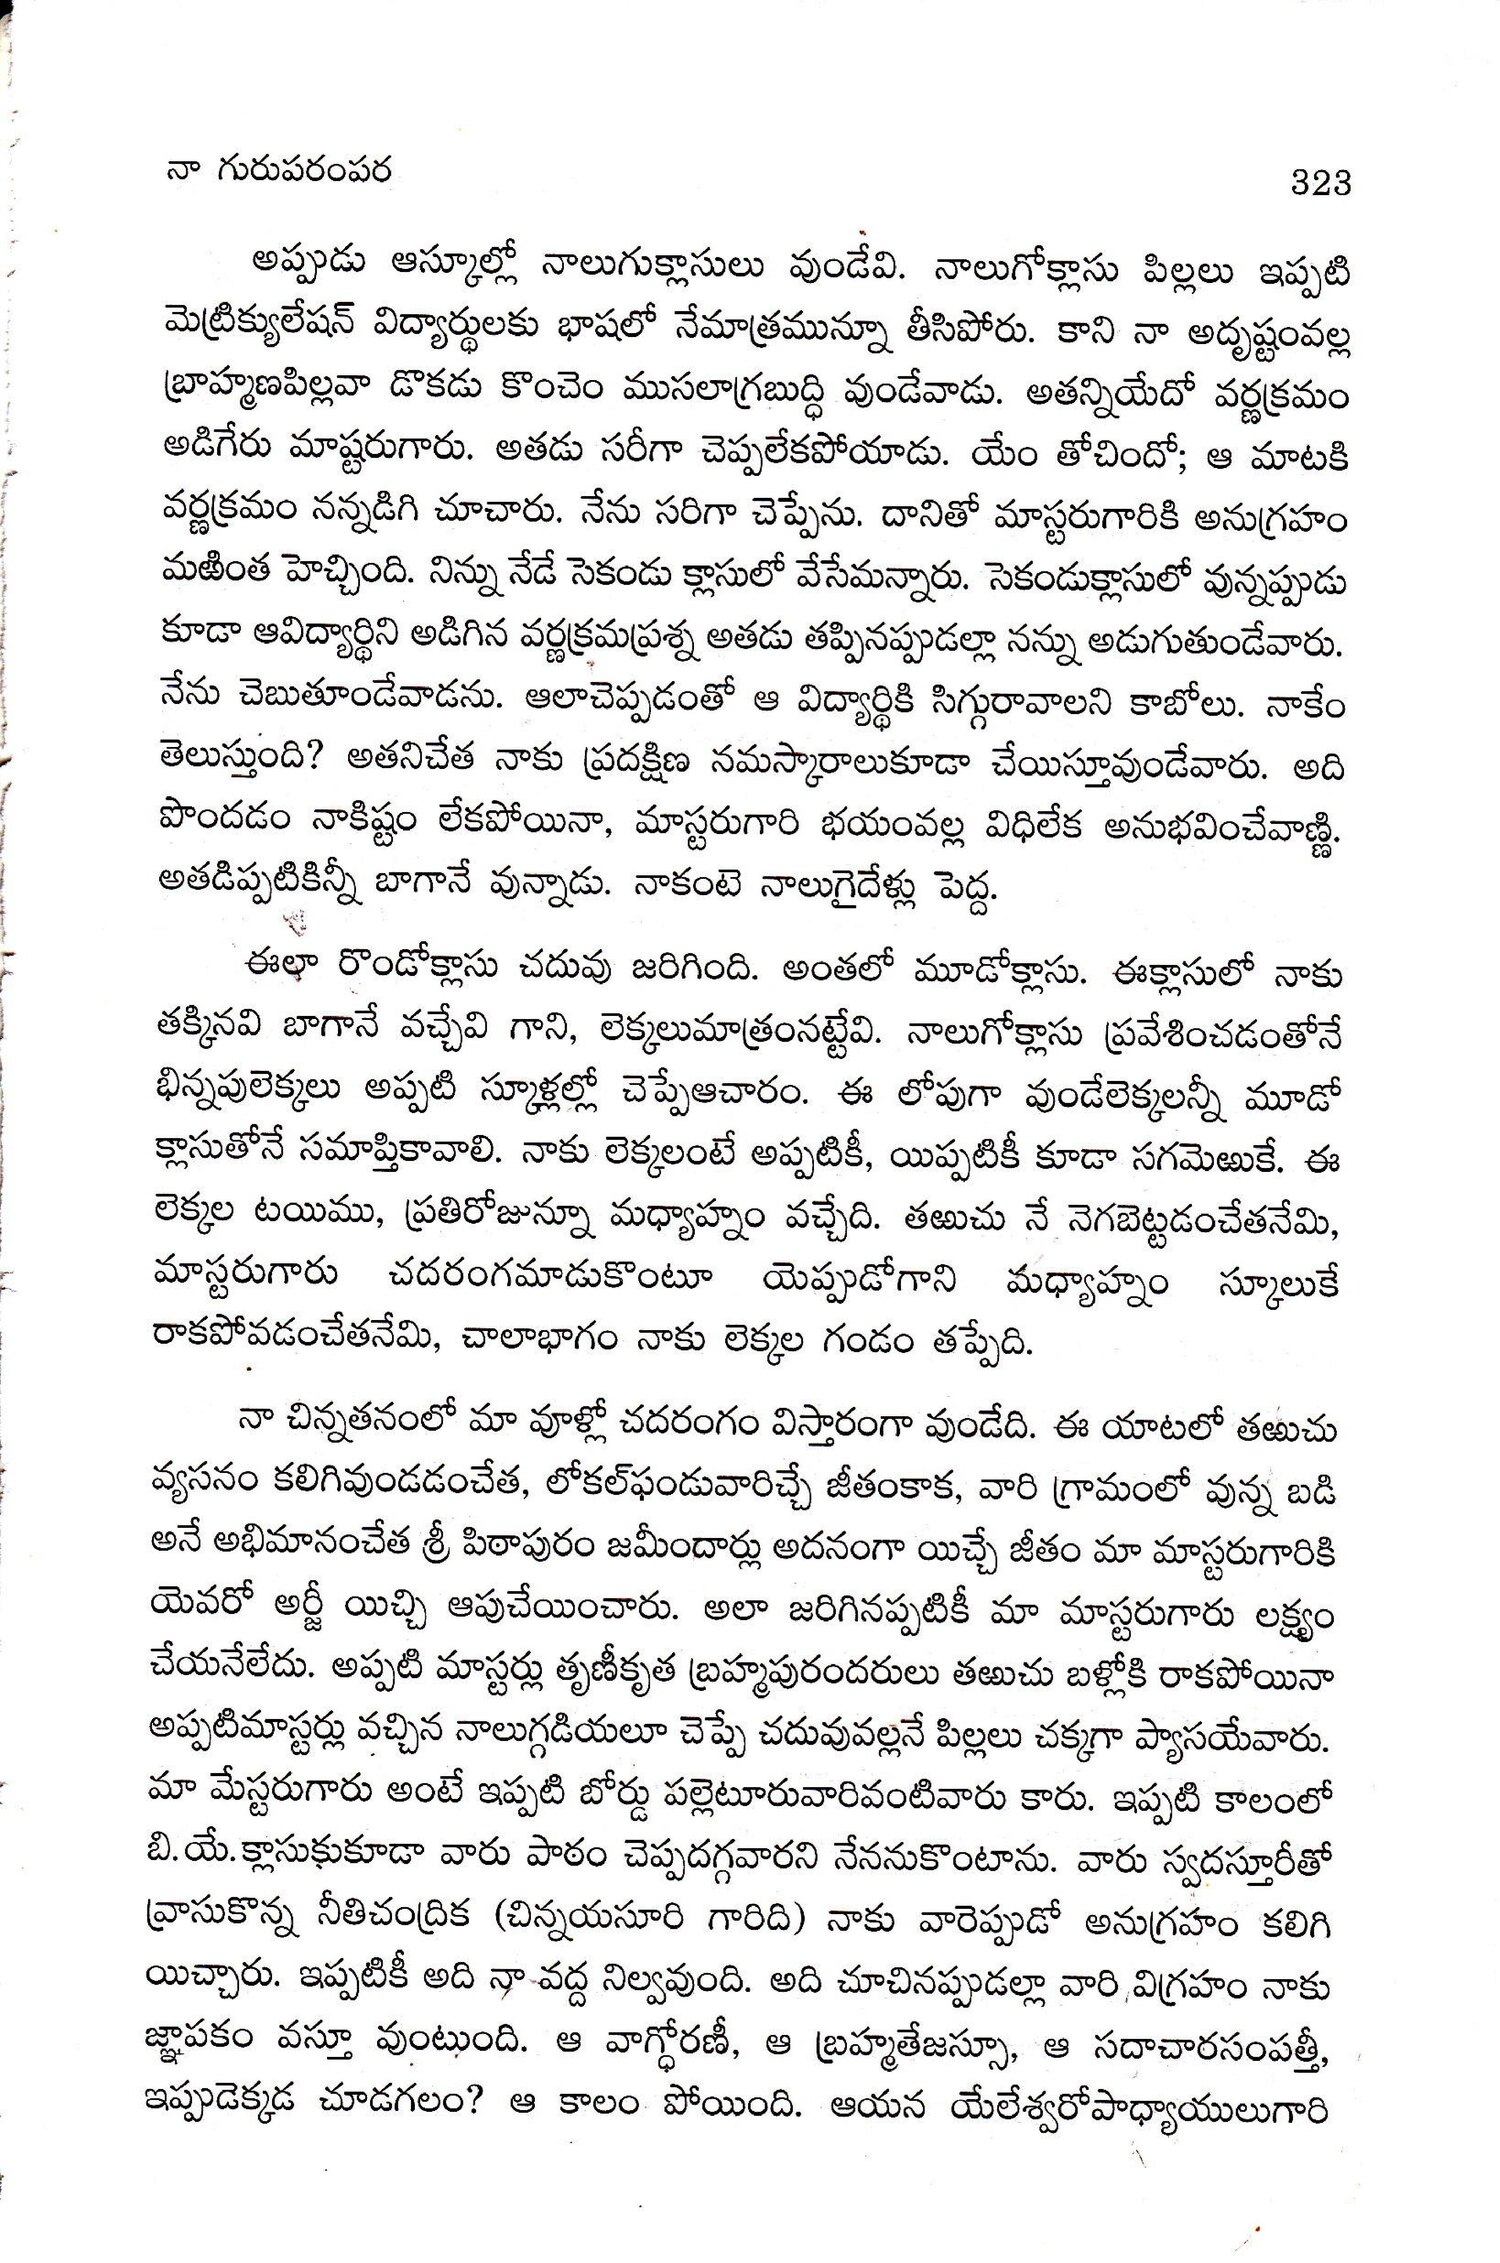అప్పుడు ఆస్కూల్లో నాలుగుక్లాసులు వుండేవి. నాలుగోక్లాసు పిల్లలు ఇప్పటి మెట్రిక్యులేషన్ విద్యార్థులకు భాషలో నేమాత్రమున్నూ తీసిపోరు. కాని నా అదృష్టంవల్ల బ్రాహ్మణపిల్లవా డొకడు కొంచెం ముసలాగ్రబుద్ధి వుండేవాడు. అతన్నియేదో వర్ణక్రమం అడిగేరు మాష్టరుగారు. అతడు సరీగా చెప్పలేకపోయాడు. యేం తోచిందో; ఆ మాటకి వర్ణక్రమం నన్నడిగి చూచారు. నేను సరిగా చెప్పేను. దానితో మాస్టరుగారికి అనుగ్రహం మఱింత హెచ్చింది. నిన్ను నేడే సెకండు క్లాసులో వేసేమన్నారు. సెకండుక్లాసులో వున్నప్పుడు కూడా ఆవిద్యార్థిని అడిగిన వర్ణక్రమప్రశ్న అతడు తప్పినప్పుడల్లా నన్ను అడుగుతుండేవారు. నేను చెబుతూండేవాడను. ఆలాచెప్పడంతో ఆ విద్యార్థికి సిగ్గురావాలని కాబోలు. నాకేం తెలుస్తుంది? అతనిచేత నాకు ప్రదక్షిణ నమస్కారాలుకూడా చేయిస్తూవుండేవారు. అది పొందడం నాకిష్టం లేకపోయినా, మాస్టరుగారి భయంవల్ల విధిలేక అనుభవించేవాణ్ణి. అతడిప్పటికిన్నీ బాగానే వున్నాడు. నాకంటె నాలుగైదేళ్లు పెద్ద.

ఈలా రొండోక్లాసు చదువు జరిగింది. అంతలో మూడోక్లాసు. ఈక్లాసులో నాకు తక్కినవి బాగానే వచ్చేవి గాని, లెక్కలుమాత్రంనట్టేవి. నాలుగోక్లాసు ప్రవేశించడంతోనే భిన్నపులెక్కలు అప్పటి స్కూళ్లల్లో చెప్పేఆచారం. ఈ లోపుగా వుండేలెక్కలన్నీ మూడో క్లాసుతోనే సమాప్తికావాలి. నాకు లెక్కలంటే అప్పటికీ, యిప్పటికీ కూడా సగమెఱుకే. ఈ లెక్కల టయిము, ప్రతిరోజున్నూ మధ్యాహ్నం వచ్చేది. తఱుచు నే నెగబెట్టడంచేతనేమి, మాస్టరుగారు చదరంగమాడుకొంటూ యెప్పుడోగాని మధ్యాహ్నం స్కూలుకే రాకపోవడంచేతనేమి, చాలాభాగం నాకు లెక్కల గండం తప్పేది.

నా చిన్నతనంలో మా వూళ్లో చదరంగం విస్తారంగా వుండేది. ఈ యాటలో తఱుచు వ్యసనం కలిగివుండడంచేత, లోకల్‌ఫండువారిచ్చే జీతంకాక, వారి గ్రామంలో వున్న బడి అనే అభిమానంచేత శ్రీ పిఠాపురం జమీందార్లు అదనంగా యిచ్చే జీతం మా మాస్టరుగారికి యెవరో అర్జీ యిచ్చి ఆపుచేయించారు. అలా జరిగినప్పటికీ మా మాస్టరుగారు లక్ష్యం చేయనేలేదు. అప్పటి మాస్టర్లు తృణీకృత బ్రహ్మపురందరులు తఱుచు బల్లోకి రాకపోయినా అప్పటిమాస్టర్లు వచ్చిన నాలుగ్గడియలూ చెప్పే చదువువల్లనే పిల్లలు చక్కగా ప్యాసయేవారు. మా మేస్టరుగారు అంటే ఇప్పటి బోర్డు పల్లెటూరువారివంటివారు కారు. ఇప్పటి కాలంలో బి.యే.క్లాసుకుకూడా వారు పాఠం చెప్పదగ్గవారని నేననుకొంటాను. వారు స్వదస్తూరీతో వ్రాసుకొన్న నీతిచంద్రిక (చిన్నయసూరి గారిది) నాకు వారెప్పుడో అనుగ్రహం కలిగి యిచ్చారు. ఇప్పటికీ అది నా వద్ద నిల్వవుంది. అది చూచినప్పుడల్లా వారి విగ్రహం నాకు జ్ఞాపకం వస్తూ వుంటుంది. ఆ వాగ్దోరణీ, ఆ బ్రహ్మతేజస్సూ, ఆ సదాచారసంపత్తీ, ఇప్పుడెక్కడ చూడగలం? ఆ కాలం పోయింది. ఆయన యేలేశ్వరోపాధ్యాయులుగారి